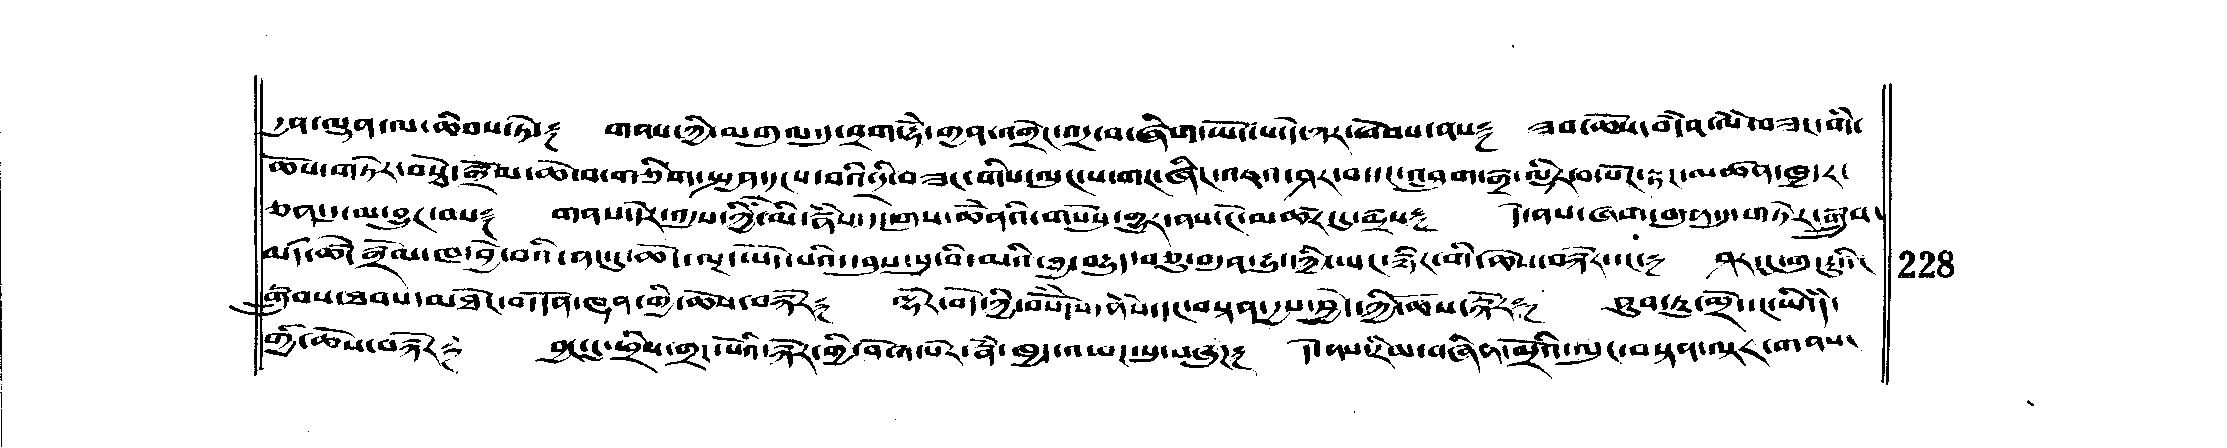རྒྱན་ལྡན་ལ་ཆིབས་ཏེ། གནས་ཀྱི་མགུལ་དུ་བྲག་རྡོ་རྗེ་གྱེན་འགྲེང་འདྲ་བ་ཞིག་ཡོད་པ་དེ་ཀར་ཕེབས་ནས། ཟབ་ཆོས་བདེ་ཆེན་ལམ་བཟང་གིས་
ཆོས་གཏེར་བསྭེ་སྒྲོམ་ཆེ་བ་གཅིག་སྤྱན་དྲངས་བས་དྲི་བཟང་གིས་ལུང་པ་གང་ཞིག་འཇའ་ཤར་བ་དང་འབྲུག་སྒྲ་ལྡིར་བ་སོགས་རྟགས་མཚན་ཁྱད་པར་
ཅན་དུ་མ་བྱུང་བས། གནས་དེར་འདུས་ཀྱི་མི་རྣམས་དད་གུས་ཆེན་པོའི་གསོས་སུ་གྱུར་ནས་ངོ་མཚར་དུ་སྨྲས། དེ་ནས་ཞག་བདུན་དུ་གཏེར་སྒྲུབ་
མཛད་ཚེ་སྒྲོམ་ཁ་བྱེ་བའི་ནང་དུ་ཆོད་ལྔ་ཡོད་པའི་དབུས་སུ་བི་མའི་ཐུགས་བརྒྱུད་བཅུ་བདུན་རྒྱུད་ཀྱི་ཡང་སྙིང་གི་ཆོས་སྐོར་དང་། ཤར་དུ་གུ་རུའི་
སྒྲུབ་ཐབས་མཐོང་བ་དོན་ལྡན་གྱི་ཆོས་སྐོར། ལྷོར་བོད་ཀྱི་བསོད་ནམས་དང་བསྟན་རྒྱས་བྱེད་ཀྱི་ཆོས་སྐོར།ནུབ་ཏུ་མཁའ་འགྲོ་དང་ཡི་དམ་
གྱི་ཆོས་བསྐོར། བྱང་དུ་ཕྲིན་ལས་གྲགས་༼དྲག?༽པོའི་སྐོར་གྱི་ཤོག་སེར་རྣམས་ཁྱད་འཕགས་སུ་བཞུགས། དེ་ནས་རིམ་བཞིན་མཁའ་འགྲོའི་ལུང་བསྟན་ལྟར་གནས་